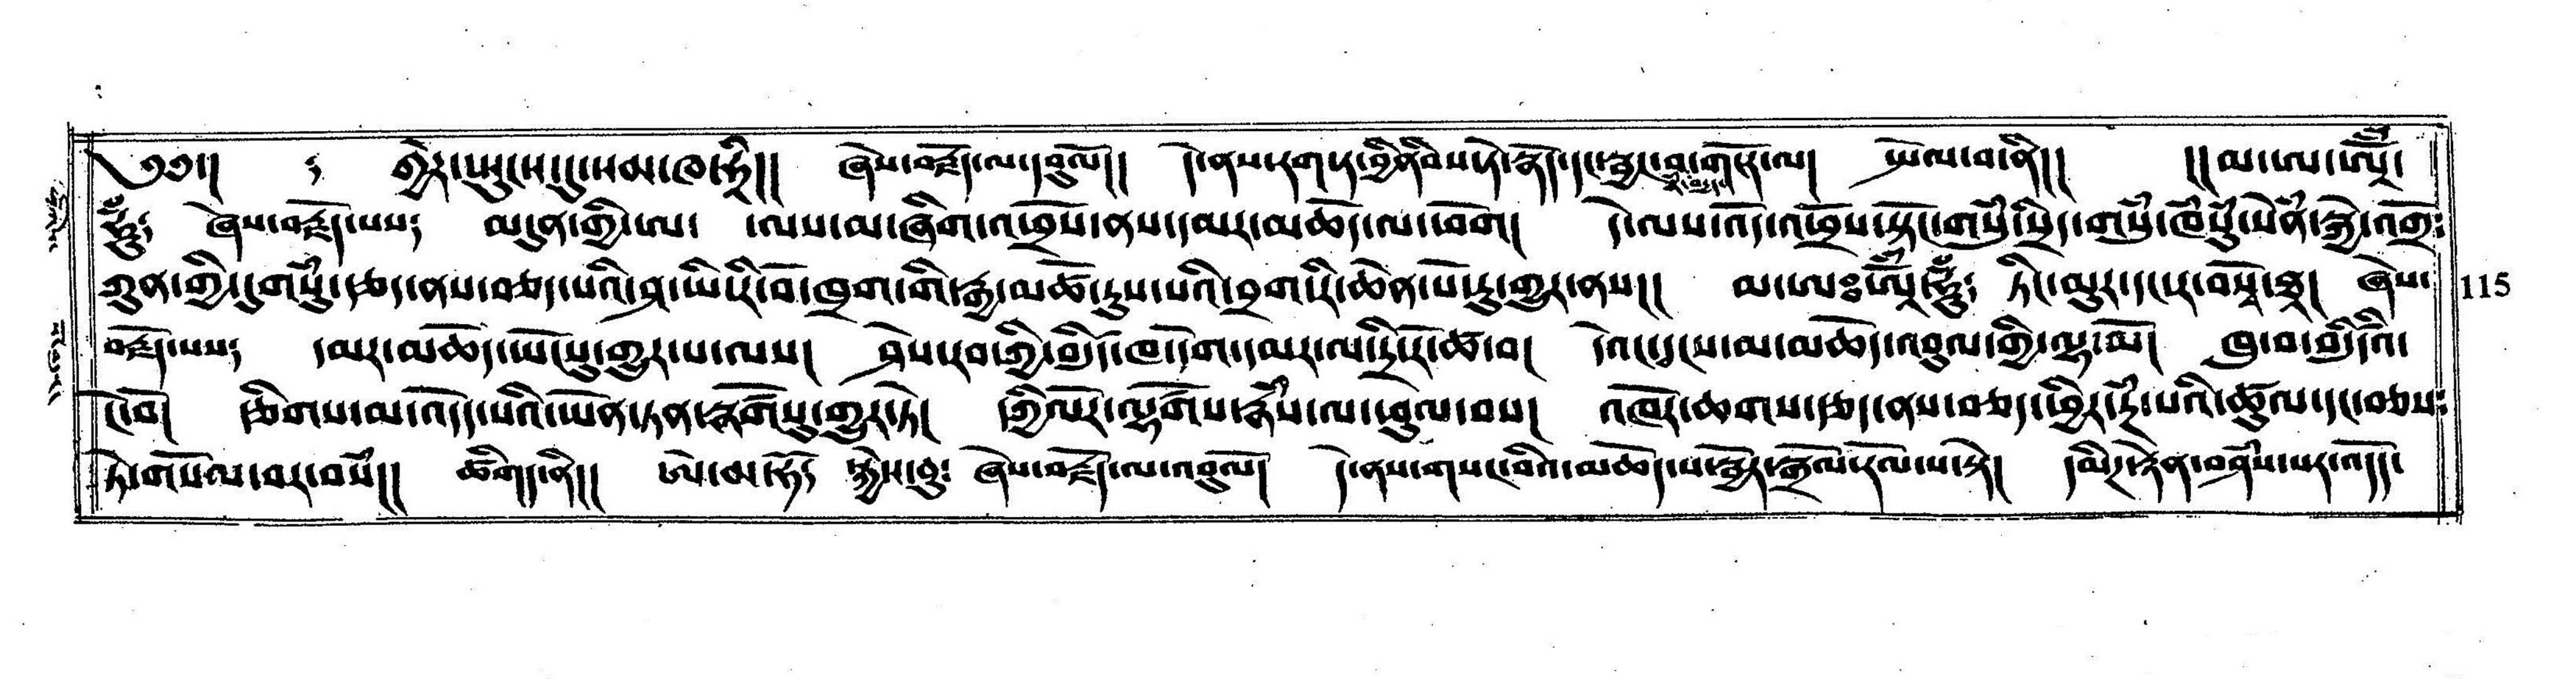གྱེར་སྤུངས་དུ་སམ་ཁ་ཧཱི།། ཞེས་བརྗོད་ལ་དབུལ་ལོ།། དེ་ནས་རག་ཏ་བྱིན་གྱིས་བརླབས་ཏེ་སྣོད་དང་སྦྱང་བ་རྣམ་བརྒྱད་གོང་ལྟར་ལ། སྤེལ་བ་ནི།། །།མ་ཨ་ཨཱོཾ་
ཧཱུྃ ཞེས་བརྗོད་པས མདུན་གྱི་ཨ༴ ་ལས་མ་ཞིག་འཕྲོས་ནས་དམར་མཆོད་ལ་ཕོག དེ་ལས་འོད་འཕྲོས་སྟོང་གསུམ་སྲིད་གསུམ་ཁམས་གསུམ་སེམས་ཅན་སྐྱེ་འགྲོ་
ཀུན་གྱི་དུག་གསུམ་རྩད་ནས་བཅད་པའི་ཤ་ཡི་རི་བོ་ཁྲག་གི་རྒྱ་མཚོ་རུས་པའི་བྲག་རི་ཆེན་པོ་རུ་གྱུར་ནས།། མ་ཨཿཨཱོཾ་ཧཱུྃ ཏིང་མུར་དང་ར་བསྭོ་ཐཱ། ཞེས་
བརྗོད་པས དམར་མཆོད་ཡོངས་སུ་གྱུར་པ་ལས། ཤེས་རབ་ཀྱི་བདུད་རྩི་ཁ་དོག་དམར་ལ་དྲི་རོ་ཚ་བ། དེའང་དྭངས་མ་མཆོད་འབུལ་གྱི་ལྷ་མོ། ཁུ་བ་བདུད་རྩིའི་
ངོ་བོ། རྩིགས་མ་འདོད་པའི་ཡོན་ཏན་སྣ་ཚོགས་སུ་གྱུར་ཏེ། དཀྱིལ་འཁོར་ལྷ་ཚོགས་རྣམས་ལ་ཕུལ་བས། འཁོར་ཆགས་རྩད་ནས་བཅད་ཕྱིར་རྔམ་པའི་ཚུལ་དང་བཅས་
ཏེ་གསོལ་བར་བསམ།། ཚིག་བཤད་ནི།། ཨེ་མ་ཧོ སྐྱེས་བུ༴ ཞེས་བརྗོད་ལ་འབུལ་ལོ། དེ་ནས་གསང་བའི་མཆོད་པ་སྦྱོར་སྒྲོལ་རོལ་པ་སྟེ། དམིགས་རྟེན་བཤམས་པར་འདོད་